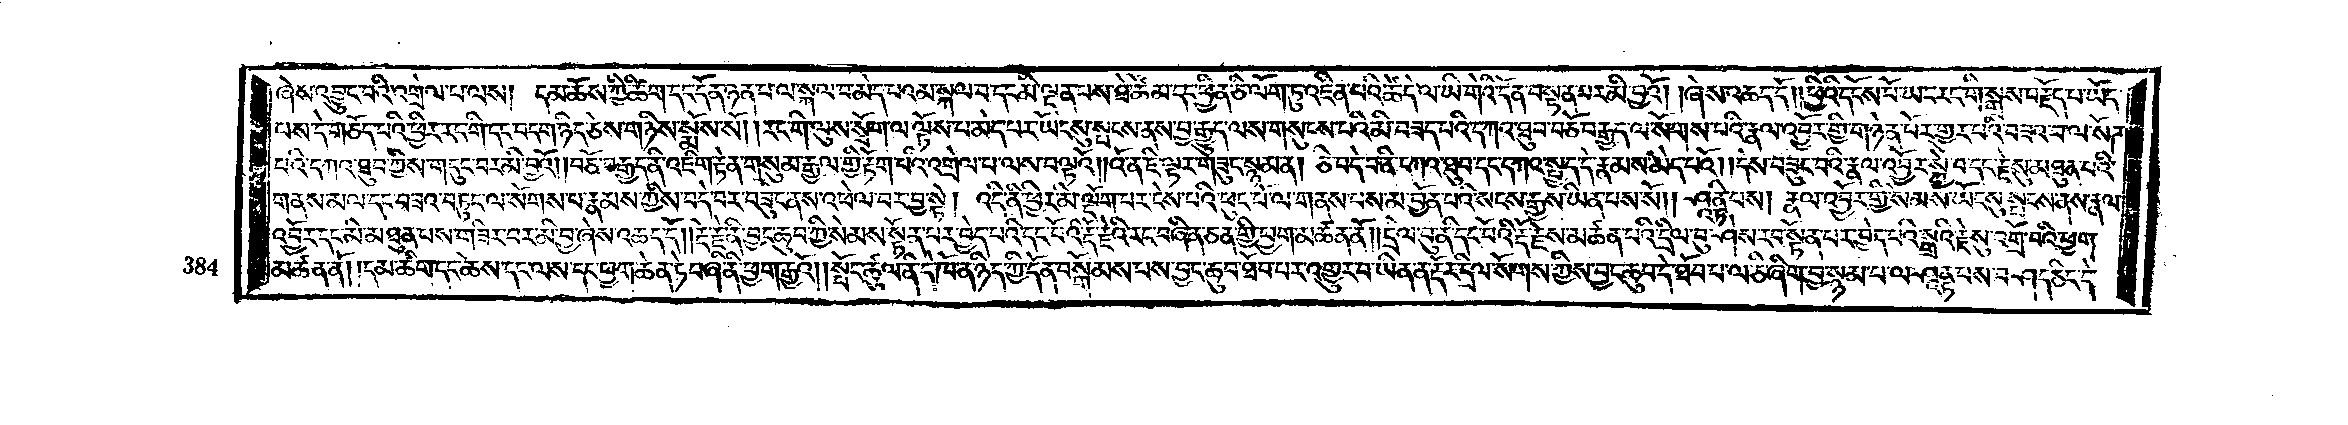ཞེས་འབྱུང་བའི་འགྲེལ་པ་ལས། དམ་ཆོས་ཀྱི་ཚིག་དང་དོན་ཉན་པ་ལ་སྐལ་བ་མེད་པའམ་སྐལ་བ་དང་མི་ལྡན་པས་ཐེ་ཚོམ་དང་ཕྱིན་ཅི་ལོག་ཏུ་འཛིན་པའི་ཚེ་དེ་ལ་ཡི་གེའི་དོན་བསྟན་པར་མི་བྱའོ། །ཞེས་འཆད་དོ། །ཕྱིའི་དངོས་པོ་ཡང་རང་གི་སྒྲས་བརྗོད་པ་ཡོད་
པས་དེ་གཅོད་པའི་ཕྱིར་རང་གི་དང་བདག་ཉིད་ཅེས་གཉིས་སྨོས་སོ། །རང་གི་ལུས་སྲོག་ལ་ལྟོས་པ་མེད་པར་ཡོངས་སུ་སྤངས་ནས་བྱ་རྒྱུད་ལས་གསུངས་པའི་མི་བཟད་པའི་དཀའ་ཐུབ་བཅོ་བརྒྱད་ལ་སོགས་པའི་རྣལ་འབྱོར་གྱི་གཉེན་པོར་གྱུར་པའི་བཟའ་བ་ལ་སོཌ་
པའི་དཀའ་ཐུབ་ཀྱིས་གདུང་བར་མི་བྱའོ། །བཅོ་བརྒྱད་ནི་འཇིག་རྟེན་གསུམ་རྒྱལ་གྱི་རྟོག་པའི་འགྲེལ་པ་ལས་བལྟའོ། །འོ་ན་ཇི་ལྟར་གཟུང་སྙམ་ན། ཅི་བདེ་བ་ནི་དཀའ་ཐུབ་དང་དཀའ་སྤྱད་དེ་རྣམས་མེད་པའོ། །དེས་བཟུང་བའི་རྣལ་འབྱོར་སྐྱེ་བ་དང་རྗེས་སུ་མཐུན་པའི་
གནས་མལ་དང་བཟའ་བཏུང་ལ་སོགས་པ་རྣམས་ཀྱིས་བདེ་བར་བཟུང་ནས་འཕེལ་བར་བྱ་སྟེ། འདི་ནི་ཕྱིར་མི་ལྡོག་པར་ངེས་པའི་ཕུང་པོ་ལ་གནས་པས་མ་བྱོན་པའི་སངས་རྒྱས་ཡིན་པས་སོ། །ཤཱནྟི་པས། རྣལ་འབྱོར་གྱི་སེམས་ཡོངས་སུ་སྤངས་ནས་རྣལ་
འབྱོར་དང་མི་མཐུན་པས་གཟིར་བར་མི་བྱ་ཞེས་འཆད་དོ། །རྡོ་རྗེ་ནི་བྱང་ཆུབ་ཀྱི་སེམས་སྟོན་པར་བྱེད་པའི་དང་པོའི་རྡོ་རྗེའི་རང་བཞིན་ཅན་གྱི་ཕྱག་མཚན་ནོ། །དྲིལ་བུ་ནི་དང་པོའི་རྡོ་རྗེས་མཚན་པའི་དྲིལ་བུ་ཤེས་རབ་སྟོན་པར་བྱེད་པའི་སྒྲའི་རྗེས་སུ་འགྲོ་བའི་ཕྱག་
མཚན་ནོ། །དམ་ཚིག་དང་ཆེས་དང་ལས་དང་ཕྱག་ཆེན་ཏེ་བཞི་ནི་ཕྱག་རྒྱའོ། །སྤོང་ཚུལ་ནི་དེ་ཁོ་ན་ཉིད་ཀྱི་དོན་བསྒོམས་པས་བྱང་ཆུབ་ཐོབ་པར་འགྱུར་བ་ཡིན་ན་རྡོར་དྲིལ་སོགས་ཀྱིས་བྱང་ཆུབ་དེ་ཐོབ་པ་ལ་ཅི་ཞིག་བྱ་སྙམ་པ་ལ་ཤཱནྟི་པས་བཤད་ཅིང་དེ་